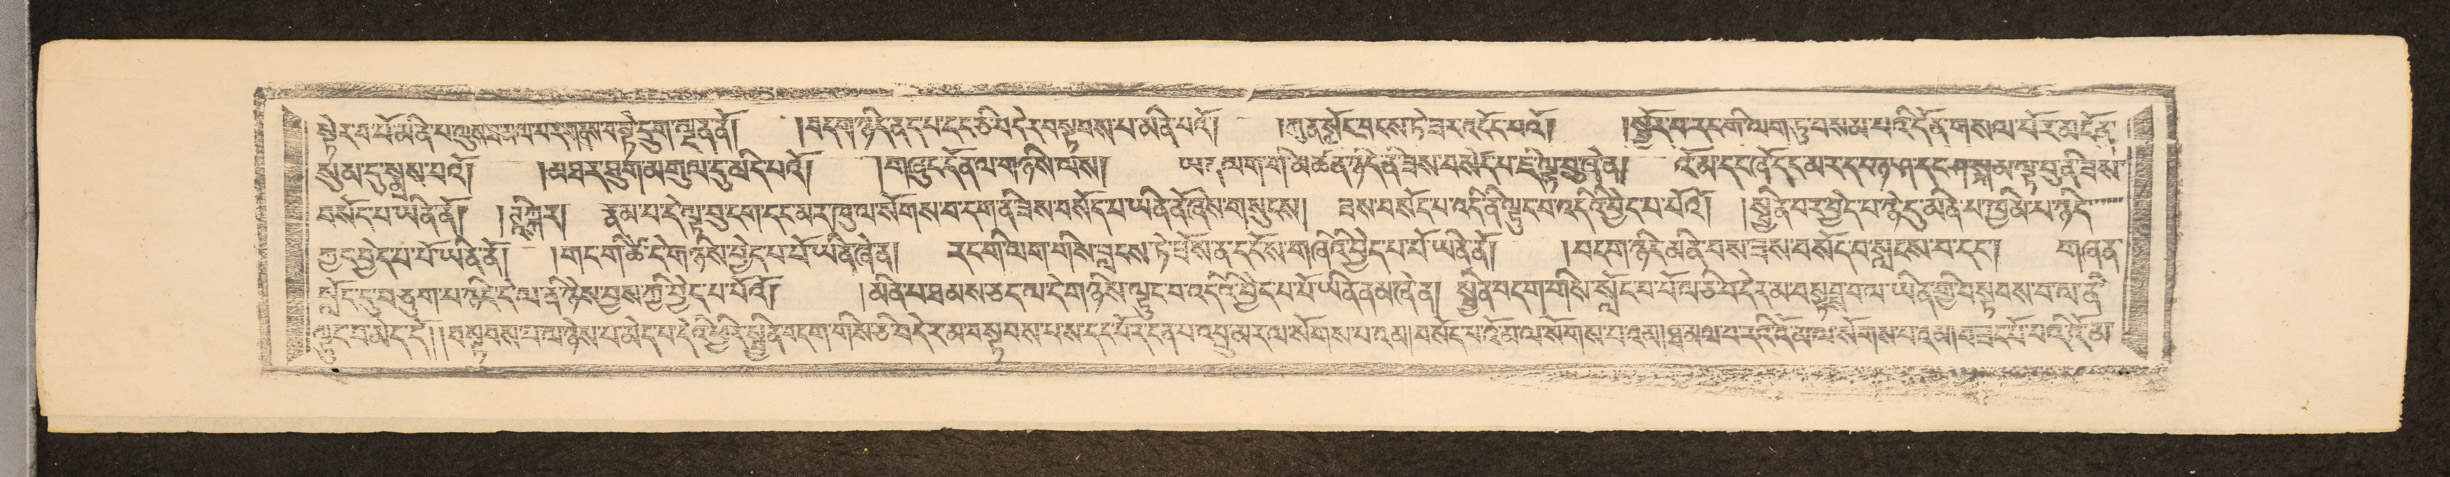སྟེར་བ་པོ་མིན་པ་ལུས་ཐ་མལ་བར་གནས་པ་སྟེ་དྲུག་ལྡན་ནོ། །བདག་ཉིད་ནད་པ་དང་ཅི་བདེར་བསྟབས་པ་མིན་པའོ། །ཀུན་སློང་བླངས་ཏེ་ཟར་འདོད་པའོ། །སྦྱོར་བ་རང་གི་ལག་ཏུ་བསམ་པའི་དོན་གསལ་པོར་མངོན་
སུམ་དུ་སྨྲས་པའོ། །མཐར་ཐུག་མགུལ་དུ་མིང་བའོ། །གཞུང་དོན་ལ་གཉིས་ལས། ཡན་ལག་གི་མཚན་ཉིད་ནི་ཟས་བསོད་པ་ཇི་ལྟ་བུ་ཞེ་ན། འོ་མ་དང་ཞོ་དང་མར་དང་ཉ་ཤ་དང་ཤ་སྐམ་ལྟ་བུ་ནི་ཟས་
བསོད་པ་ཡིན་ནོ། །ཊཱིཀྐར། རྣམ་པ་དེ་ལྟ་བུ་དག་དང་མར་ཁུ་ལ་སོགས་པ་དག་ནི་ཟས་བསོད་པ་ཡིན་ནོ་ཞེས་གསུངས། ཟས་བསོད་པ་འདི་ནི་ལྟུང་བ་འདིའི་བྱེད་པ་པོའོ། །སྦྱིན་པར་བྱེད་པ་ཉེ་དུ་མིན་པ་ཁྱིམ་པ་ཉིད་
ཀྱང་བྱེད་པ་པོ་ཡིན་ནོ། །གང་གི་ཚེ་དེ་གཉིས་བྱེད་པ་པོ་ཡིན་ཞེ་ན། རང་གི་ལག་གིས་བླངས་ཏེ་ཟོས་ན་དངོས་གཞིའི་བྱེད་པ་པོ་ཡིན་ནོ། །བདག་ཉིད་མིན་པས་ཟས་བསོད་པ་སླངས་པ་དང་། གཞན་
སློང་དུ་བཅུག་པ་ཉིད་དེ་ལ་ནི་ཉེས་བྱས་ཀྱི་བྱེད་པ་པོའོ། །མིན་པ་ཐམས་ཅད་ལ་དེ་གཉིས་ལྟུང་བ་འདིའི་བྱེད་པ་པོ་ཡིན་ནམ་ཞེ་ན། སྦྱིན་བདག་གིས་སློང་བ་པོ་ལ་ཅི་བདེར་མ་བསྟབས་པ་ལ་ཡིན་གྱི་བསྟབས་པ་ལ་ནི་
ལྟུང་བ་མེད་དོ། །བསྟབས་པ་ལ་ཉེས་པ་མེད་པ་དེའི་ཕྱིར་སྦྱིན་བདག་གིས་ཅི་བདེར་མ་བསྟབས་པས་དང་པོར་ངན་པ་འབྲུ་མར་ལ་སོགས་པའམ་བསོད་པ་འོ་མ་ལ་སོགས་པའམ། ཐ་མལ་བ་རའི་འོ་མ་ལ་སོགས་པའམ། བཟང་པོ་པའི་འོ་མ་